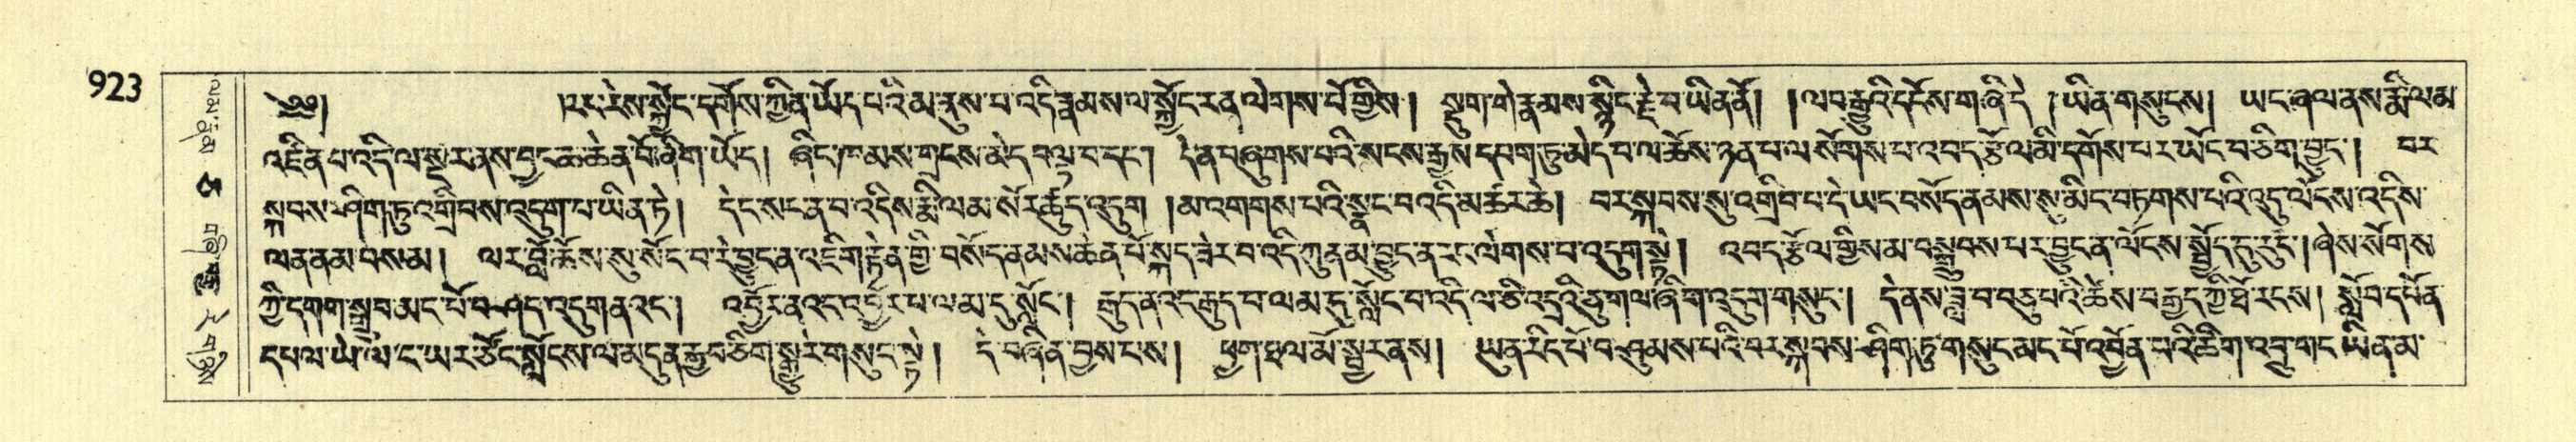༄༅། །རང་རེས་སྐྱོང་དགོས་ཀྱིན་ཡོད་པའི་མ་ནུས་པ་འདི་རྣམས་ལ་སྐྱོང་རན་ལེགས་པོ་གྱིས། སྡུག་གེ་རྣམས་སྙིང་རྗེ་བ་ཡིན་ནོ། །ལབ་རྒྱུའི་དངོས་གཞི་དེ་།ཡིན་གསུངས། ཡང་ཞལ་ནས་རྨི་ལམ་
འཛིན་པ་འདི་ལ་སྔར་ནས་བྱང་ཆ་ཆེན་བོ་ཞིག་ཡོད། ཞིང་ཁམས་གྲངས་མེད་བལྟ་བ་དང་། དེ་ན་བཞུགས་པའི་སངས་རྒྱས་དཔག་ཏུ་མེད་བ་ལ་ཆོས་ཉན་པ་ལ་སོགས་པ་འབད་རྩོལ་མི་དགོས་པར་ཡོང་བ་ཅིག་བྱུང་། བར་
སྐབས་ཤིག་ཏུ་འགྲིབས་འདུག་པ་ཡིན་ཏེ། དེང་སང་ན་བ་འདིས་རྨི་ལམ་སོར་ཚུད་འདུག །མ་འགགས་པའི་སྣང་བ་འདི་མཚར་ཆེ། བར་སྐབས་སུ་འགྲིབ་པ་དེ་ཡང་བསོད་ནམས་སུ་མིང་བཏགས་པའི་འདུ་ལོངས་འདིས་
ལན་ནམ་བསམ། ལར་བློ་ཆོས་སུ་སོང་བ་རེ་བྱུང་ན་འཇིག་རྟེན་གྱི་བསོད་ནམས་ཆེན་པོ་སྐད་ཟེར་བ་འདི་ཀུན་མ་བྱུང་ན་རང་ལེགས་པ་འདུག་སྟེ། འབད་རྩོལ་གྱིས་མ་བསྒྲུབས་པར་བྱུང་ན་ལོངས་སྤྱོད་དུ་རུང་། ཞེས་སོགས་
ཀྱི་དགག་སྒྲུབ་མང་པོ་བཤད་འདུག་ནའང་། འབྱོར་ནའང་འབྱོར་པ་ལམ་དུ་སློང་། རྒུད་ནའང་རྒུད་བ་ལམ་དུ་སློང་བ་འདི་ལ་ཅི་འདྲའི་ཅུ་གལ་ཞིག་འདུག་གསུང་། དེ་ནས་ཟླ་བ་བཅུ་པའི་ཚེས་བརྒྱད་ཀྱི་ཐོ་རངས། སློབ་དཔོན་
དཔལ་ཡེ་ལ་ང་ཡར་ཙོང་སློངས་ལ་མདུན་རྒྱབ་ཅིག་སྒྱུ་རེ་གསུང་སྟེ། དེ་བཞིན་བྱས་པས། ཕྱག་ཐལ་མོ་སྦྱར་ནས། ཡུན་རིང་པོ་བཤུམས་པའི་བར་སྐབས་ཤིག་ཏུ་གསུང་མང་པོ་འབྱོན་པའི་ཚིག་འབྲུ་གང་ཡིན་མ་